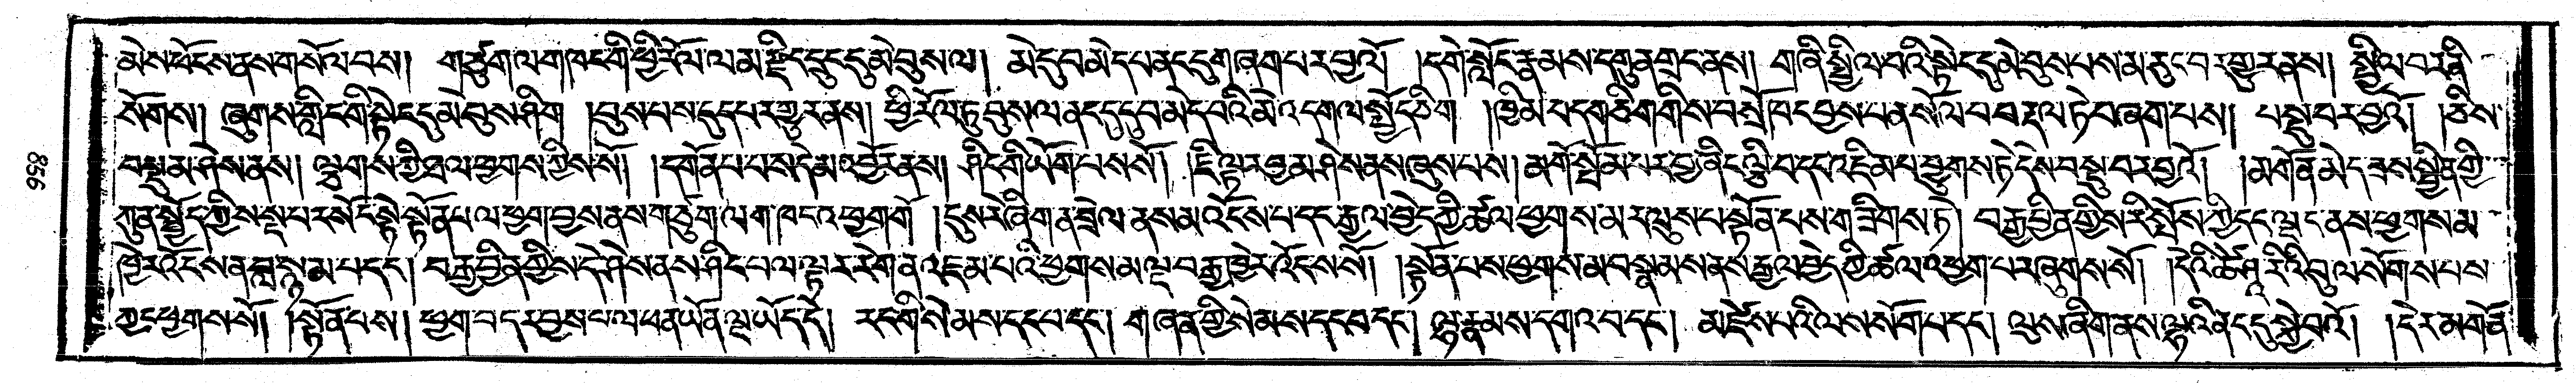མེས་ཕོངས་ནས་གསོལ་བས། གཙུག་ལག་ཁང་གི་ཕྱི་རོལ་ལམ་རྫིང་དྲུང་དུ་མེ་བུས་ལ། མེ་དུ་བ་མེད་པ་ནང་དུ་གཞག་པར་བྱའོ། །དགེ་སློང་རྣམས་དགུན་གྲང་ནས། གཞི་སྤྱིལ་བའི་སྟེང་དུ་མེ་བུས་པས་མ་རུང་བར་གྱུར་ནས། སྤྱིལ་བར་ནི་
སོགས། ཞུགས་གླིང་གི་སྟེང་དུ་མེ་བུས་ཤིག །བུས་པས་དུད་པར་གྱུར་ནས། ཕྱི་རོལ་ཏུ་བུས་ལ་ནང་དུ་དུ་བ་མེད་བའི་མེ་འདག་ལ་སྤྱོད་ཅིག །ཁྱིམ་བདག་ཅིག་གིས་བསྲོ་ཁང་བྱས་པ་ན་སོལ་པ་བརྡལ་ཏེ་བཞག་པས། བསྡུ་བར་བྱའོ། །ཅིས་
བསྡུམ་ཤེས་ནས། ལྕགས་ཀྱི་ཐལ་ཕྱགས་ཀྱིས་སོ། །དགོན་པ་པས་དེམ་འབྱོར་ནས། ཤིང་གི་ཡོག་པས་སོ། །ཇི་ལྟར་བྱ་མ་ཤེས་ནས་ཞུས་པས། མགོ་སྤོམ་པར་བྱ་ཞིང་ལྕི་བ་དང་འཇིམ་པ་བྱུགས་ཏེ་དེས་བསྡུ་བར་བྱའོ། །མགོན་མེད་ཟས་སྦྱིན་གྱི་
ཀུན་སྦྱོད་ཀྱིས་སྔ་པར་སོང་སྟེ་སྟོན་པ་ལ་ཕྱག་བྱས་ནས་གཙུག་ལག་ཁང་འཕྱག་གོ །དུས་རེ་ཞིག་ན་བྲེལ་ནས་མའོངས་པ་དང་རྒྱལ་བྱེད་ཀྱི་ཚལ་ཕྱགས་མར་ལུས་པ་སྟོན་པས་གཟིགས་ཏེ། བརྒྱ་བྱིན་གྱིས་རི་སྤོས་ཀྱི་དང་ཝང་ནས་ཕྱགས་མ་
ཁྱེར་འོངས་ན་བླ་སྙམ་པ་དང་། བརྒྱ་བྱིན་གྱིས་དེ་ཤེས་ནས་ཤིང་པལ་ལྟར་རེག་ན་འཇམ་པའི་ཕྱགས་མ་ལྔ་བརྒྱ་ཁྱེར་འོངས་སོ། །སྟོན་པས་ཕྱགས་མ་བསྣམས་ནས་རྒྱལ་བྱེད་ཀྱི་ཚལ་འཕྱག་པར་ཞུགས་སོ། །དེའི་ཚེ་ཤཱ་རིའི་བུ་ལ་སོགས་པས་
ཀྱང་ཕྱགས་སོ། །སྟོན་པས། ཕྱག་བདར་བྱས་པ་ལ་ཕན་ཡོན་ལྔ་ཡོད་དེ། རང་གི་སེམས་དང་པ་དང་། གཞན་གྱི་སེམས་དང་བ་དང་། ལྷ་རྣམས་དགའ་བ་དང་། མཛེས་པའི་ལས་སོག་པ་དང་། ལུས་ཞིག་ནས་ལྷའི་ནང་དུ་སྐྱེ་བའོ། །དེར་མགོན་